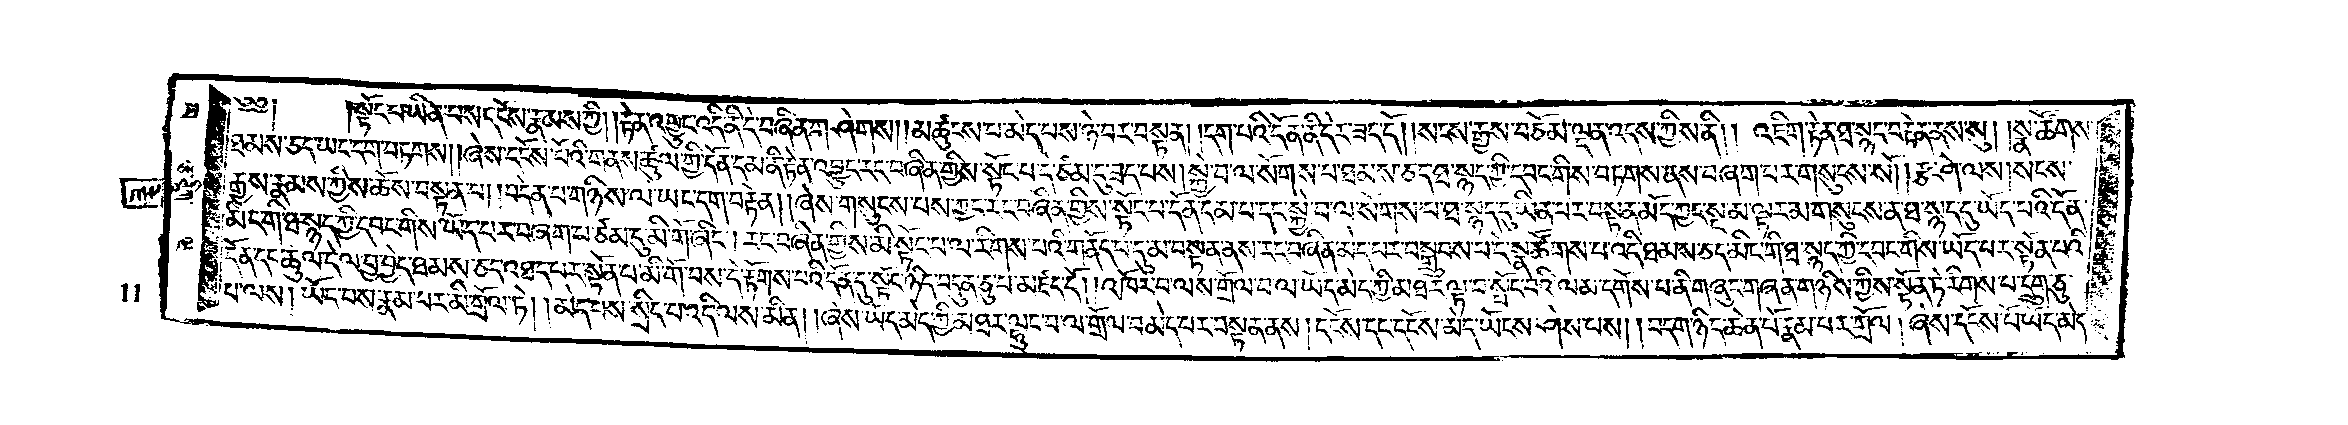༄༅། །སྟོང་པ་ཡིན་པས་དངོས་རྣམས་ཀྱི། །རྟེན་འབྱུང་འདི་ནི་དེ་བཞིན་གཤེགས། །མཚུངས་པ་མེད་པས་ཉེ་བར་བསྟན། །དག་པའི་དོན་ནི་དེར་ཟད་དོ། །སངས་རྒྱས་བཅོམ་ལྡན་འདས་ཀྱིས་ནི། འཇིག་རྟེན་ཐ་སྙད་བརྟེན་ནས་སུ། །སྣ་ཚོགས་
ཐམས་ཅད་ཡང་དག་བཏགས། །ཞེས་དངོས་པོའི་གནས་ཚུལ་གྱི་དོན་དམ་ནི་རྟེན་འབྱུང་རང་བཞིན་གྱིས་སྟོང་པ་དེ་ཙམ་དུ་ཟད་པས། སྐྱེ་བ་ལ་སོགས་པ་ཐམས་ཅད་ཐ་སྙད་ཀྱི་དབང་གིས་བཏགས་ནས་བཞག་པར་གསུངས་སོ། །རྩ་ཤེ་ལས། སངས་
རྒྱས་རྣམས་ཀྱིས་ཆོས་བསྟན་པ། །བདེན་པ་གཉིས་ལ་ཡང་དག་བརྟེན། །ཞེས་གསུངས་པས་ཀྱང་རང་བཞིན་གྱིས་སྟོང་པ་དོན་དམ་པ་དང་སྐྱེ་བ་ལ་སོགས་པ་ལ་ཐ་སྙད་དུ་ཡིན་པར་བསྟན་མོད་ཀྱང་སྔ་མ་ལྟར་མ་གསུང་ན་ཐ་སྙད་དུ་ཡོད་པའི་དོན་
མང་གི་ཐ་སྙད་ཀྱི་དབང་གིས་ཡོད་པར་བཞག་པ་ཙམ་དུ་མི་གོ་ཞིང་། རང་བཞིན་གྱིས་མི་སྟོང་པ་ལ་རིགས་པའི་གནོད་པ་དུ་མ་བསྟན་ནས་རང་བཞིན་མེད་པར་བསྒྲུབས་པ་དེ་སྣ་ཚོགས་པ་འདི་ཐམས་ཅད་མིང་གི་ཐ་སྙད་ཀྱི་དབང་གིས་ཡོད་པར་སྟོན་པའི་
དོན་དང་ཚུལ་དེ་ལ་བྱ་བྱེད་ཐམས་ཅད་འཐད་པར་སྟོན་པ་མི་གོ་བས་དེ་རྟོགས་པའི་དོན་དུས་ཏོང་ཉིད་བདུན་ཅུ་པ་མཛད་དོ། །འཁོར་བ་ལས་གྲོལ་བ་ལ་ཡོད་མེད་ཀྱི་མཐར་ལྟ་བ་སྤོང་བའི་ལམ་དགོས་པ་ནི་གཞུང་གཞན་གཉིས་ཀྱིས་སྟོན་ཏེ་རིགས་པ་དྲུག་ཅུ་
པ་ལས། ཡོད་པས་རྣམ་པར་མི་གྲོལ་ཏེ། །མེད་པས་སྲིད་པ་འདི་ལས་མིན། །ཞེས་ཡོད་མེད་ཀྱི་མཐར་ལྷུང་བ་ལ་གྲུབ་བ་མེད་པར་བསྟན་ནས། །དངོས་དང་དངོས་མེད་ཡོངས་ཤེས་པས། །བདག་ཉིད་ཆེན་པོ་རྣམ་པར་གྲོལ། ཞེས་དངོས་པོ་ཡོད་མེད་